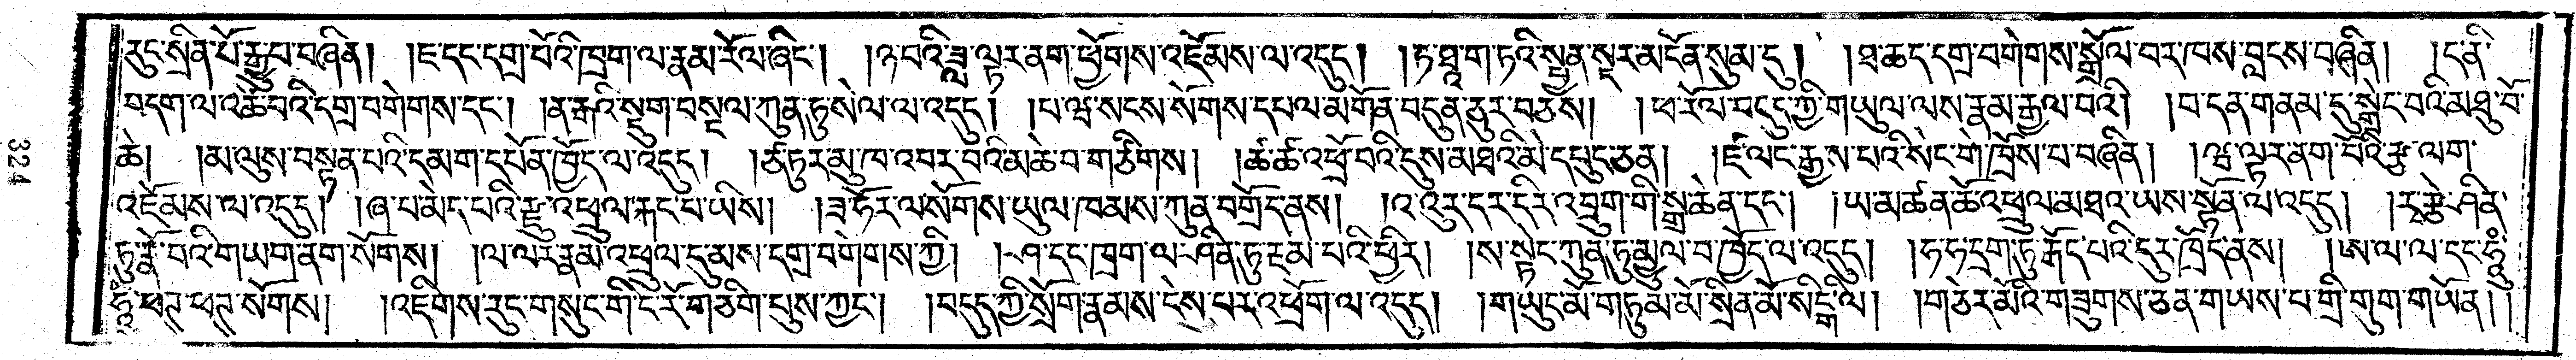རུང་སྲིན་པོ་རྒྱུ་བ་བཞིན། །ཇ་དང་དགྲ་བོའི་ཁྲག་ལ་རྣམ་རོལ་ཞིང་། །ཉ་བའི་ཟླ་ལྟར་ནག་ཕྱོགས་འཇོམས་ལ་འདུད། །ཏ་ཐཱ་ག་ཏའི་སྦྱན་སྔར་མངོན་སུམ་དུ། །ཐ་ཆད་དགྲ་བགེགས་སྒྲོལ་བར་ཁས་བླངས་བཞིན། །ད་ནི་
བདག་ལ་འཚེ་བའི་དགྲ་བགེགས་དང་། །ན་རྒའི་སྡུག་བསྔལ་ཀུན་ཏུ་སེལ་ལ་འདུད། །པ་ཝ་སངས་སོགས་དཔལ་མགོན་བདུད་ཅུར་བཅས། །ཕ་རོལ་བདུད་ཀྱི་གཡུལ་ལས་རྣམ་རྒྱལ་པའི། །བ་དན་གནམ་དུ་སྒྲེང་བའི་མཐུ་བོ་
ཆེ། །མ་ལུས་བསྟན་པའི་དམག་དཔོན་ཁྱོད་ལ་འདུད། །ཙ་ཏུ་ར་མུ་ཁ་འབར་བའི་མཆེ་བ་གཙིགས། །ཚ་ཚ་འཕྲོ་བའི་དུས་མཐའི་མེ་དབུང་ཅན། །ཛ་ལང་རྒྱས་པའི་སེང་གེ་ཁྲོས་པ་བཞིན། །ཝ་ལྟར་ནག་པོའི་རྩ་ལག་
འཇོམས་ལ་འདུད། །ཞ་པ་མེད་པའི་རྫུ་འཕྲུལ་རྐང་པ་ཡིས། །ཟ་ཧོར་ལ་སོགས་ཡུལ་ཁམས་ཀུན་བགྲོད་ནས། །འ་འུར་དར་དིར་འབྲུག་གི་སྒྲ་ཆེན་དང་། །ཡ་མཚན་ཆོ་འཕྲུལ་མཐའ་ཡས་སྟོན་ལ་འདུད། །རྭ་རྩེ་ཤིན་
ཏུ་རྣོ་བའི་གཡག་ནག་སོགས། །ལ་ལར་རྣམ་འཕྲུལ་དུ་མས་དགྲ་བགེགས་ཀྱི། །ཤ་དང་ཁྲག་ལ་ཤིན་ཏུ་རྔམ་པའི་ཕྱིར། །ས་སྟེང་ཀུན་ཏུ་མྱུལ་བ་ཁྱོད་ལ་འདུད། །ཧ་ཧ་དྲག་ཏུ་རྒོད་པའི་དུར་ཁྲོད་ནས། །ཨ་ལ་ལ་དང་ཧཱུཾ་
ཧཱུཾ་ཕཊ་ཕཊ་སོགས། །འཇིགས་རུང་གསུང་གི་ང་རོ་གཅིག་པུས་ཀྱང་། །བདུད་ཀྱི་སྲོག་རྣམས་ངེས་པར་འཕྲོག་ལ་འདུད། །གཡུང་མོ་གཏུམ་མོ་སྲིན་མོ་སིངྒྒི་ལ། །གཅེར་མོའི་གཟུགས་ཅན་གཡས་བགྲི་གུག་གཡོན།